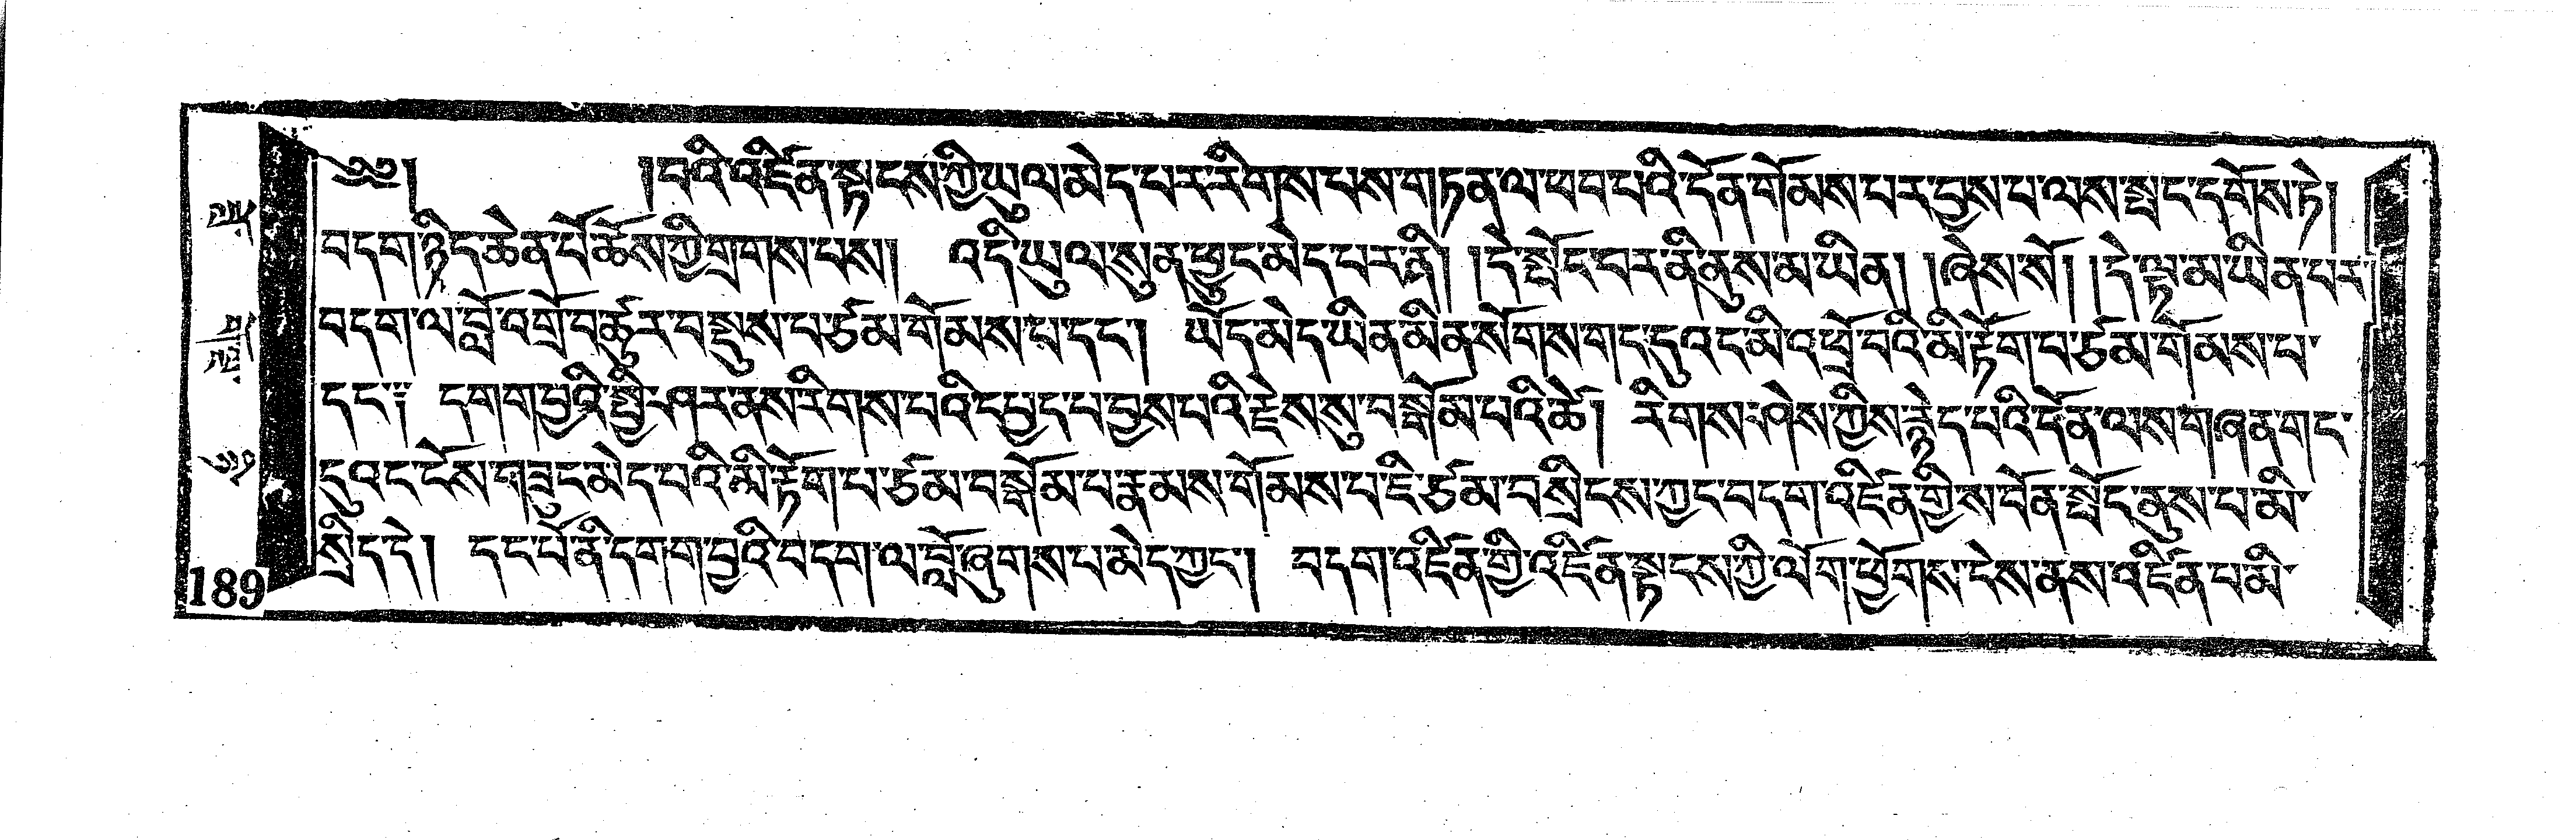༄༅། །བའི་འཛིན་སྟངས་ཀྱི་ཡུལ་མེད་པར་རིགས་པས་གཏན་ལ་ཕབ་པའི་དོན་གོམས་པར་བྱས་པ་ལས་སྤང་དགོས་ཏེ།
བདག་ཉིད་ཆེན་པོ་ཆོས་ཀྱི་གྲགས་པས། འདི་ཡུལ་སུན་ཕྱུང་མེད་པར་ནི། །དེ་སྤོང་བར་ནི་ནུས་མ་ཡིན། །ཞེས་སོ། །དེ་ལྟ་མ་ཡིན་པར་
བདག་ལ་བློ་འགྲོ་བ་ཚུར་བསྡུས་པ་ཙམ་གོམས་པ་དང་། ཡོད་མེད་ཡིན་མིན་སོགས་གང་དུའང་མི་འཕྲོ་བའི་མི་རྟོག་པ་ཙམ་གོམས་པ་
དང༑ དགག་བྱའི་སྤྱི་ཤར་ནས་རིགས་པའི་དཔྱད་པ་བྱས་པའི་རྗེས་སུ་བསྒོམ་པའི་ཚེ། རིགས་ཤེས་ཀྱིས་རྙེད་པའི་དོན་ལས་གཞན་གང་
དུའང་ངོས་གཟུང་མེད་པའི་མི་རྟོག་པ་ཙམ་བསྒོམ་པ་རྣམས་གོམས་པ་ཇི་ཙམ་བསྲིངས་ཀྱང་བདག་འཛིན་གྱི་ས་བོན་སྤོང་ནུས་པ་མི་
སྲིད་དེ། དང་པོ་ནི་དགག་བྱའི་བདག་ལ་བློ་ཞུགས་པ་མེད་ཀྱང་། བདག་འཛིན་གྱི་འཛིན་སྟངས་ཀྱི་ལོག་ཕྱོགས་ངེས་ནས་འཛིན་པ་མི་